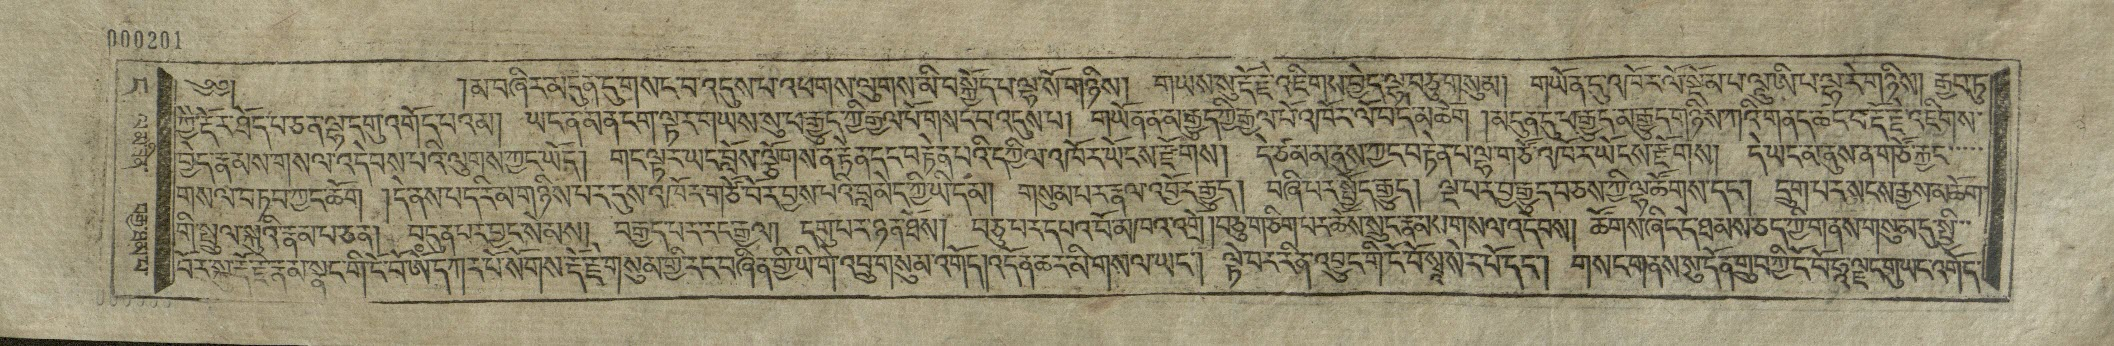༄༅། །མ་བཞིར་མདུན་དུ་གསང་བ་འདུས་པ་འཕགས་ལུགས་མི་བསྐྱོད་པ་ལྷ་སོ་གཉིས། གཡས་སུ་རྡོ་རྗེ་འཇིགས་བྱེད་ལྷ་བཅུ་གསུམ། གྱོན་དུ་འཁོར་ལོ་སྡོམ་པ་ལཱུ་ཨི་པ་ལྷ་རེ་གཉིས། རྒྱབ་ཏུ་
ཀྱཻ་རྡོར་ཐོད་པ་ཅན་ལྷ་དགུ་འགོད་པའམ། ཡང་ན་མན་ངག་ལྟར་གཡས་སུ་ཕ་རྒྱུད་ཀྱི་རྒྱལ་པོ་གསང་བ་འདུས་པ། གཡོན་ན་མ་རགཡད་ཀྱི་རྒྱལ་པོ་ཁོར་ལོ་བདེ་མཆོག །མདུན་དུ་ཕ་རྒྱུད་མ་རྒྱུད་གཉིས་ཀའི་བྣད་ཚང་བ་རྡོ་རྗེ་འཇིགས་
བྱིད་རྣམས་གསལ་འདེབས་པའི་ལུགས་ཀྱང་ཡོད། གང་ལྟར་ཡང་བློས་ལྕོགས་ན་རྟེན་དང་བརྟེན་པའི་དཀྱིན་འཁོར་ཡོངས་རྫོགས། དེ་ཙམ་མ་ནུས་ཀྱང་བརྟེན་པ་ལྷ་གཙོ་འཁོར་ཡོངས་རྫོགས། དེ་ཡང་མ་ནུས་ན་གཙོ་རྐྱང་
གསལ་བཏབ་ཀྱང་ཆོག །དེ་ནས་པད་རིམ་གཉིས་པར་དུས་འཁོར་གཙོ་བོར་བྱས་པི་བླ་མེད་ཀྱི་ཡི་དམ། གསུམ་པར་རྣལ་འབྱོར་རྒྱུད། བཞི་པར་སྤྱོད་རྒྱུད། ལྔ་པར་བྱ་རྒྱུད་བཅས་ཀྱི་ལྷ་ཚོགས་དང་། དྲུག་པར་སངས་རྒྱས་མཆོག་
གི་སྤྲུལ་སྐུའི་རྣམ་པ་ཅན། བདུན་པར་བྱང་སེམས། བརྒྱད་པར་རང་རྒྱལ། དགུ་པར་ཉན་ཐོས། བཅུ་པར་དཔའ་བོ་མཁའ་འགྲོ་།བཅུ་གཅིག་པར་ཆོས་སྲུང་རྣམས་གསལ་འདེབས། ཚོགས་ཞེང་དེ་ཐམས་ཅད་ཀྱི་གནས་གསུམ་དུ་སྤྱི་
བོར་སྐུ་རྡོ་རྗེ་རྣམ་སྣང་གི་ངོ་བོ་ཨོཾ་དཀར་པོ་སོགས་རྡོ་རྗེ་གསུམ་གྱི་རང་བཞིནན་གྱི་ཡི་གེ་འབྲུ་གསུམ་འགོད། འདོན་ཐར་མི་གསལ་ཡང་། ལྟེ་བར་རེན་འབྱིང་གི་ངོ་བོ་སྭཱ་སེར་པོ་དང་། གསང་གནས་དུ་དོན་གྲུབ་ཀྱི་ངོ་བོ་ཀཱ་ལྗང་གུ་ཡང་འགོད་